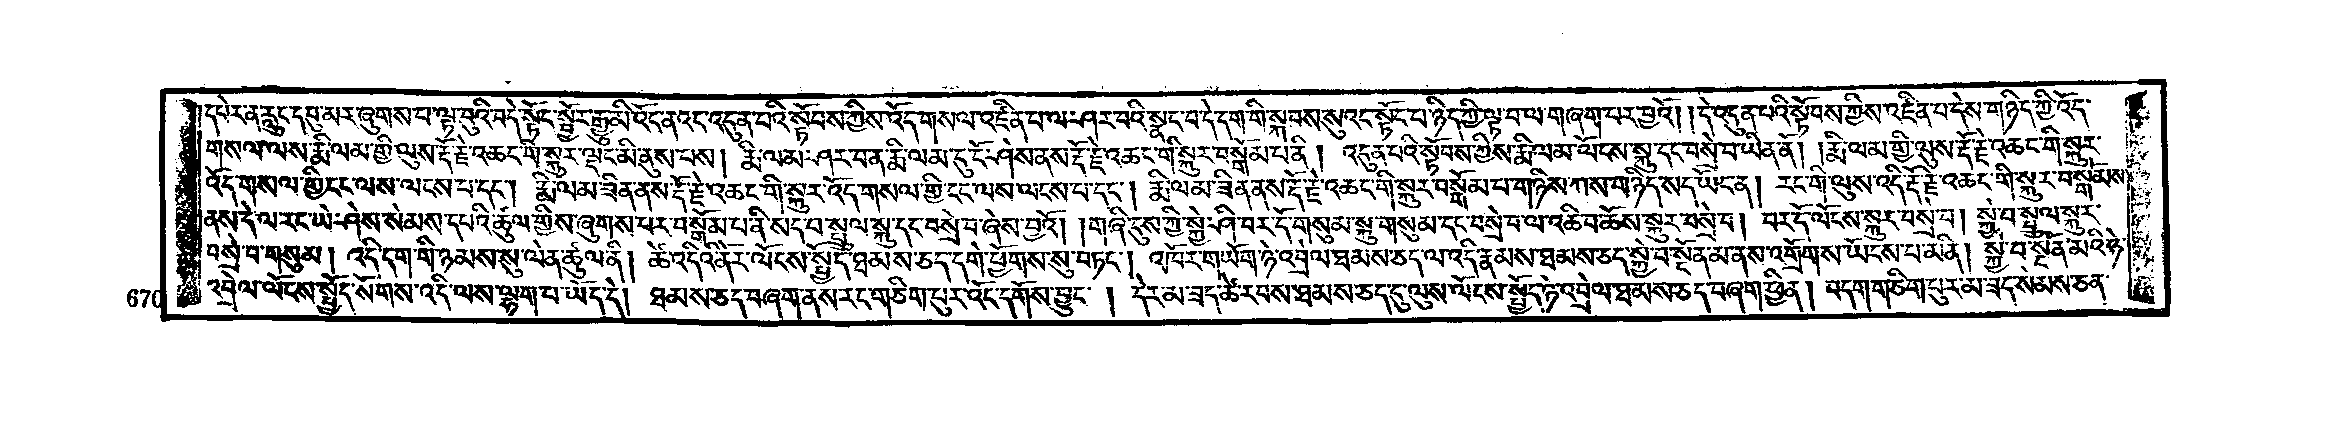དཔེར་ན་རླུང་དབུ་མར་ཞུགས་པ་ལྟ་བུའི་བདེ་སྟོང་སྦྱོར་རྒྱུ་མི་འོང་ནའང་འདུན་པའི་སྟོབས་ཀྱིས་འོད་གསལ་འཛིན་པ་ལ་ཤར་བའི་སྣང་བ་དེ་དག་གི་སྐབས་སུའང་སྟོང་པ་ཉིད་ཀྱི་ལྟ་བ་ལ་གཞག་པར་བྱའོ། །དེ་འདུན་པའི་སྟོབས་ཀྱིས་འཛིན་པ་དེས་གཉིད་ཀྱི་འོད་
གསལ་ལས་རྨི་ལམ་གྱི་ལུས་རྡོ་རྗེ་འཆང་གི་སྐུར་ལྡང་མི་ནུས་པས། རྨི་ལམ་ཤར་བ་ན་རྨི་ལམ་དུ་ངོ་ཤེས་ནས་རྡོ་རྗེ་འཆང་གི་སྐུར་བསྒོམ་པ་ནི། འདུན་པའི་སྟོབས་ཀྱིས་རྨི་ལམ་ལོངས་སྐུ་དང་བསྲེ་བ་ཡིན་ནོ། །རྨི་ལམ་གྱི་ལུས་རྡོ་རྗེ་འཆང་གི་སྐུར་
འོད་གསལ་གྱི་ངང་ལས་ལངས་པ་དང་། རྨི་ལམ་ཟིན་ནས་རྡོ་རྗེ་འཆང་གི་སྐུར་འོད་གསལ་གྱི་ངང་ལས་ལངས་པ་དང་། རྨི་ལམ་ཟིན་ནས་རྡོ་རྗེ་འཆང་གི་སྐུར་བསྒོམ་པ་གཉིས་ཀས་གཉིད་སད་ཡོང་ན། རང་གི་ལུས་འདི་རྡོ་རྗེ་འཆང་གི་སྐུར་བསྒོམས་
ནས་དེ་ལ་རང་ཡེ་ཤེས་སེམས་དཔའི་ཚུལ་གྱིས་ཞུགས་པར་བསྒོམ་པ་ནི་སད་པ་སྤྲུལ་སྐུ་དང་བསྲེ་བ་ཞེས་བྱའོ། །གཞི་དུས་ཀྱི་སྐྱེ་ཤི་བར་དོ་གསུམ་སྐུ་གསུམ་དང་བསྲེ་བ་ལ་འཆི་བ་ཆོས་སྐུར་བསྲེ་བ། བར་དོ་ལོངས་སྐུར་བསྲེ་བ། སྐྱེ་བ་སྤྲུལ་སྐུར་
བསྲེ་བ་གསུམ། འདི་དག་གི་ཉམས་སུ་ལེན་ཚུལ་ནི། ཚེ་འདིའི་ནོར་ལོངས་སྤྱོད་ཐམས་ཅད་དགེ་ཕྱོགས་སུ་བཏང་། འཁོར་གཡོག་ཉེ་འབྲེལ་ཐམས་ཅད་ལ་འདི་རྣམས་ཐམས་ཅད་སྐྱེ་བ་སྔོན་མ་ནས་འགྲོགས་ཡོངས་པ་མིན། སྐྱེ་བ་སྔོན་མའི་ཉེ་
འབྲེལ་ལོངས་སྤྱོད་སོགས་འདི་ལས་ལྷག་པ་ཡོད་དེ། ཐམས་ཅད་བཞག་ནས་རང་གཅིག་པུར་འོང་དགོས་བྱུང་། དེར་མ་ཟད་ཚེ་རབས་ཐམས་ཅད་དུ་ལུས་ལོངས་སྤྱོད་ཉེ་འབྲེལ་ཐམས་ཅད་བཞག་ཕྱིན། བདག་གཅིག་པུར་མ་ཟད་སེམས་ཅན་